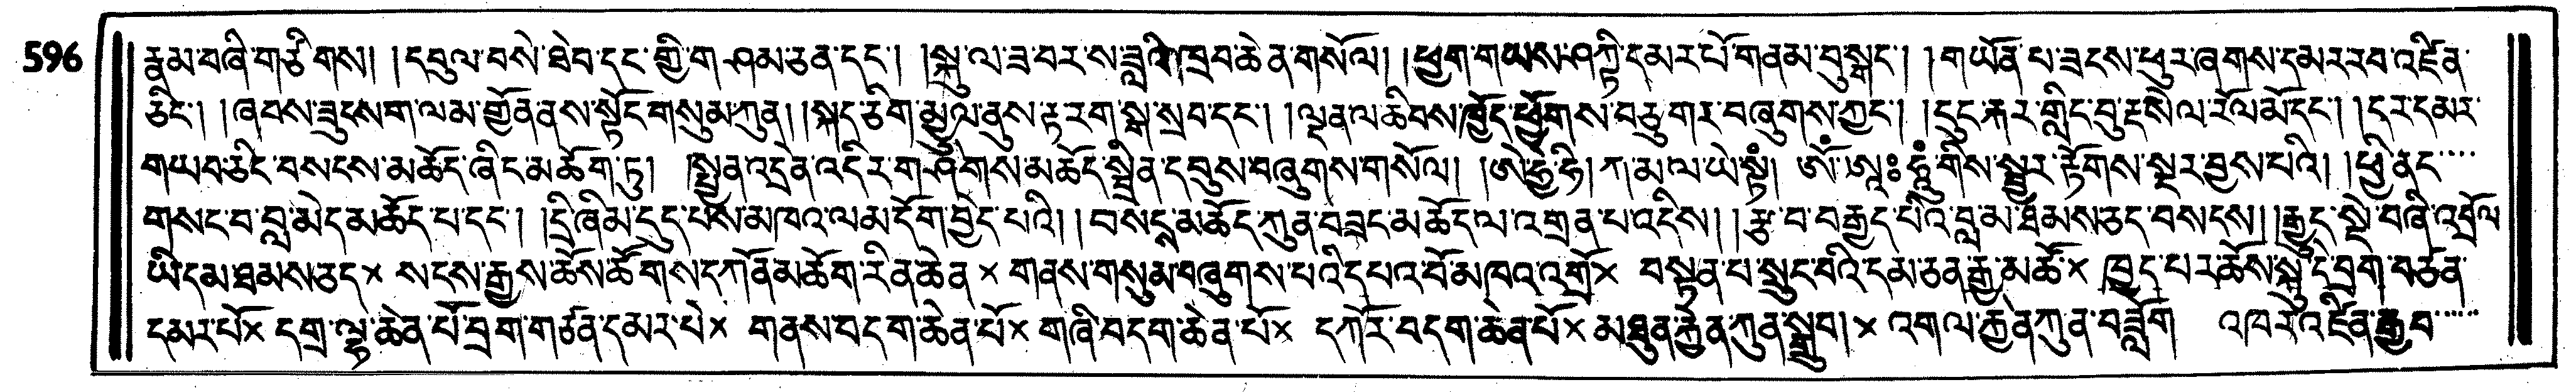རྣམ་བཞི་གཙིགས། །དབུལ་བསེ་ཐེབ་དང་གྱི་གཤམ་ཅན་དང་། །སྐུ་ལ་ཟ་བར་ས་ཟླའི་ཁྲབ་ཆེན་གསོལ། །ཕྱག་གཡས་ཤཀྟི་དམར་པོ་གནམ་བུ་སྒང་། །གཡོན་པ་ཟངས་ཕུར་ཞགས་དམར་རབ་འཛིན་
ཅིང་། །ཞབས་ཟུངས་ག་ལམ་གྱོན་ནས་སྟོང་གསུམ་ཀུན། །སྐད་ཅིག་མྱུལ་ནུས་རྟ་རག་སྒ་སྲབ་དང་། །ལྡན་ལ་ཆིབས་ཁྱོད་ཕྱོགས་བཅུ་གར་བཞུགས་ཀྱང་། །དུང་རྐར་གླིང་བུ་རྡ་སེལ་རོལ་མོ་དང་། །དར་དམར་
གཡབ་ཅིང་བསངས་མཆོད་ཞིང་མཆོག་ཏུ། །སྤྱན་འདྲེན་འདིར་གཤེགས་མཆོད་སྦྲིན་དབུས་བཞུགས་གསོལ། །ཨེ་ཧྱེ་ཧི། ཀ་མ་ལ་ཡེ་སྟཾ། ཨོཾ་ཨཱཿ ཧཱུཾ་གིས་སྦྱར་རྟོགས་སྔར་བྱས་པའི། །ཕྱི་ནང་་་
གསང་བ་བླ་མེད་མཆོད་པ་དང་། །དྲི་ཞིམ་དུད་པས་མཁའ་ལམ་དོག་བྱེད་པའི། །བསངས་མཆོད་ཀུན་བཟང་མཆོད་ལ་འགྲན་པ་འདིས། །རྩ་བ་བརྒྱད་པའི་བླ་མ་ཐམས་ཅད་བསངས། །རྒྱུད་སྡེ་བཞི་འབྲོལ་
ཡི་དམ་ཐམས་ཅད་྾་སངས་རྒྱས་ཆོས་ཚོགས་དཀོན་མཆོག་རིན་ཆེན་྾་གནས་གསུམ་བཞུགས་པའི་དཔའ་བོ་མཁའ་འགྲོ་྾་བསྟན་པ་སྲུང་བའི་དམ་ཅན་རྒྱ་མཚོ་྾་ཁྱད་པར་ཆོས་སྐུ་དེ་བྲག་བཙན་
དམར་པོ་྾་དགྲ་ལྷ་ཆེན་པོ་བྲག་གཙན་དམར་པེ་྾་གནས་བདག་ཆེན་པོ་྾་གཞི་བདག་ཆེན་པོ་྾་དཀོར་བདག་ཆེན་པོ་྾་མཐུན་རྐྱེན་ཀུན་སྒྲུབ། ྾་འགལ་རྐྱེན་ཀུན་བཟློག་འཁར་འཛིན་རྒྱབ་་་